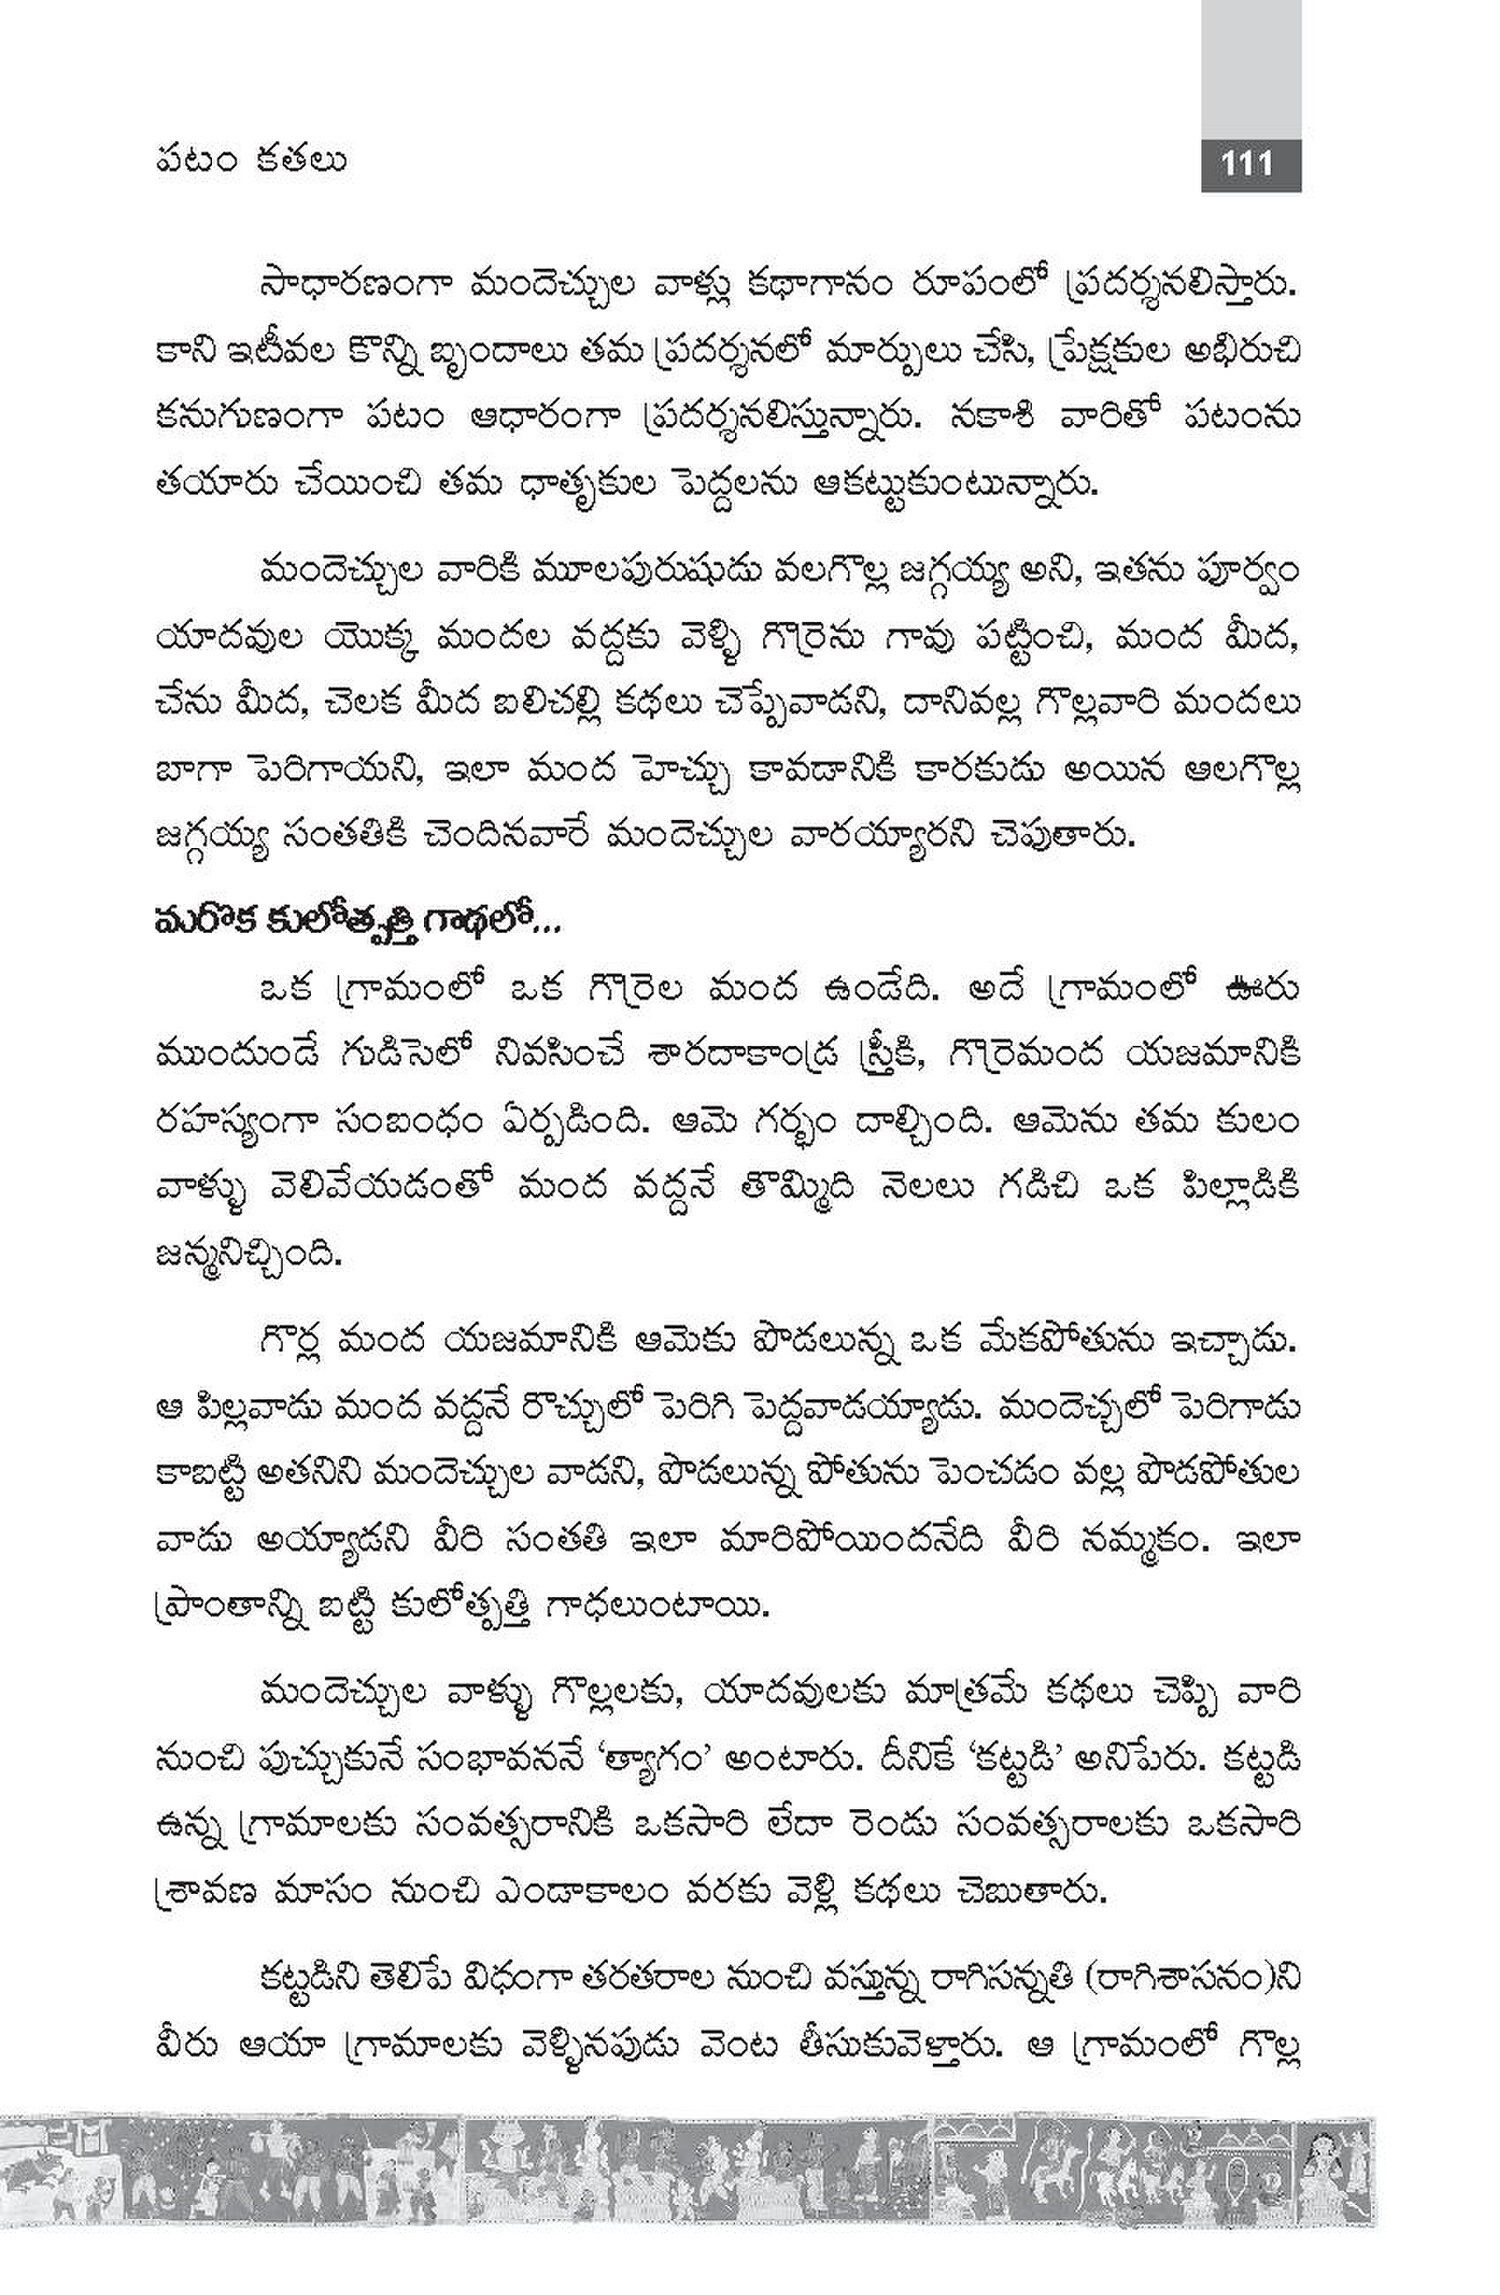సాధారణంగా మందెచ్చుల వాళ్లు కథాగానం రూపంలో ప్రదర్శనలిస్తారు. కాని ఇటీవల కొన్ని బృందాలు తమ ప్రదర్శనలో మార్పులు చేసి, ప్రేక్షకుల అభిరుచి కనుగుణంగా పటం ఆధారంగా ప్రదర్శనలిస్తున్నారు. నకాశి వారితో పటంను
తయారు చేయించి తమ ధాతృకుల పెద్దలను ఆకట్టుకుంటున్నారు.

మందెచ్చుల వారికి మూలపురుషుడు వలగొల్ల జగ్గయ్య అని, ఇతను పూర్వం యాదవుల యొక్క మందల వద్దకు వెళ్ళి గొర్రెను గావు పట్టించి, మంద మీద, చేను మీద, చెలక మీద బలిచల్లి కథలు చెప్పేవాడని, దానివల్ల గొల్లవారి మందలు
బాగా పెరిగాయని, ఇలా మంద హెచ్చు కావడానికి కారకుడు అయిన ఆలగొల్ల జగ్గయ్య సంతతికి చెందినవారే మందెచ్చుల వారయ్యారని చెపుతారు.

మరొక కులోత్పత్తి గాథలో...

ఒక గ్రామంలో ఒక గొర్రెల మంద ఉండేది. అదే గ్రామంలో ఊరు ముందుండే గుడిసెలో నివసించే శారదాకాండ్ర స్త్రీకి, గొర్రెమంద యజమానికి రహస్యంగా సంబంధం ఏర్పడింది. ఆమె గర్భం దాల్చింది. ఆమెను తమ కులం వాళ్ళు వెలివేయడంతో మంద వద్దనే తొమ్మిది నెలలు గడిచి ఒక పిల్లాడికి జన్మనిచ్చింది.

గొర్ల మంద యజమానికి ఆమెకు పొడలున్న ఒక మేకపోతును ఇచ్చాడు. ఆ పిల్లవాడు మంద వద్దనే రొచ్చులో పెరిగి పెద్దవాడయ్యాడు. మందెచ్చలో పెరిగాడు కాబట్టి అతనిని మందెచ్చుల వాడని, పొడలున్న పోతును పెంచడం వల్ల పొదపోతుల వాడు అయ్యాడని వీరి సంతతి ఇలా మారిపోయిందనేది వీరి నమ్మకం. ఇలా ప్రాంతాన్ని బట్టి కులోత్పత్తి గాధలుంటాయి.

మందెచ్చుల వాళ్ళు గొల్లలకు, యాదవులకు మాత్రమే కథలు చెప్పి వారి నుంచి పుచ్చుకునే సంభావననే 'త్యాగం' అంటారు. దీనికే 'కట్టడి' అనిపేరు. కట్టడి ఉన్న గ్రామాలకు సంవత్సరానికి ఒకసారి లేదా రెండు సంవత్సరాలకు ఒకసారి శ్రావణ మాసం నుంచి ఎండాకాలం వరకు వెళ్లి కథలు చెబుతారు.

కట్టడిని తెలిపే విధంగా తరతరాల నుంచి వస్తున్న రాగిసన్నతి (రాగిశాసనం)ని వీరు ఆయా గ్రామాలకు వెళ్ళినపుడు వెంట తీసుకువెళ్తారు. ఆ గ్రామంలో గొల్ల